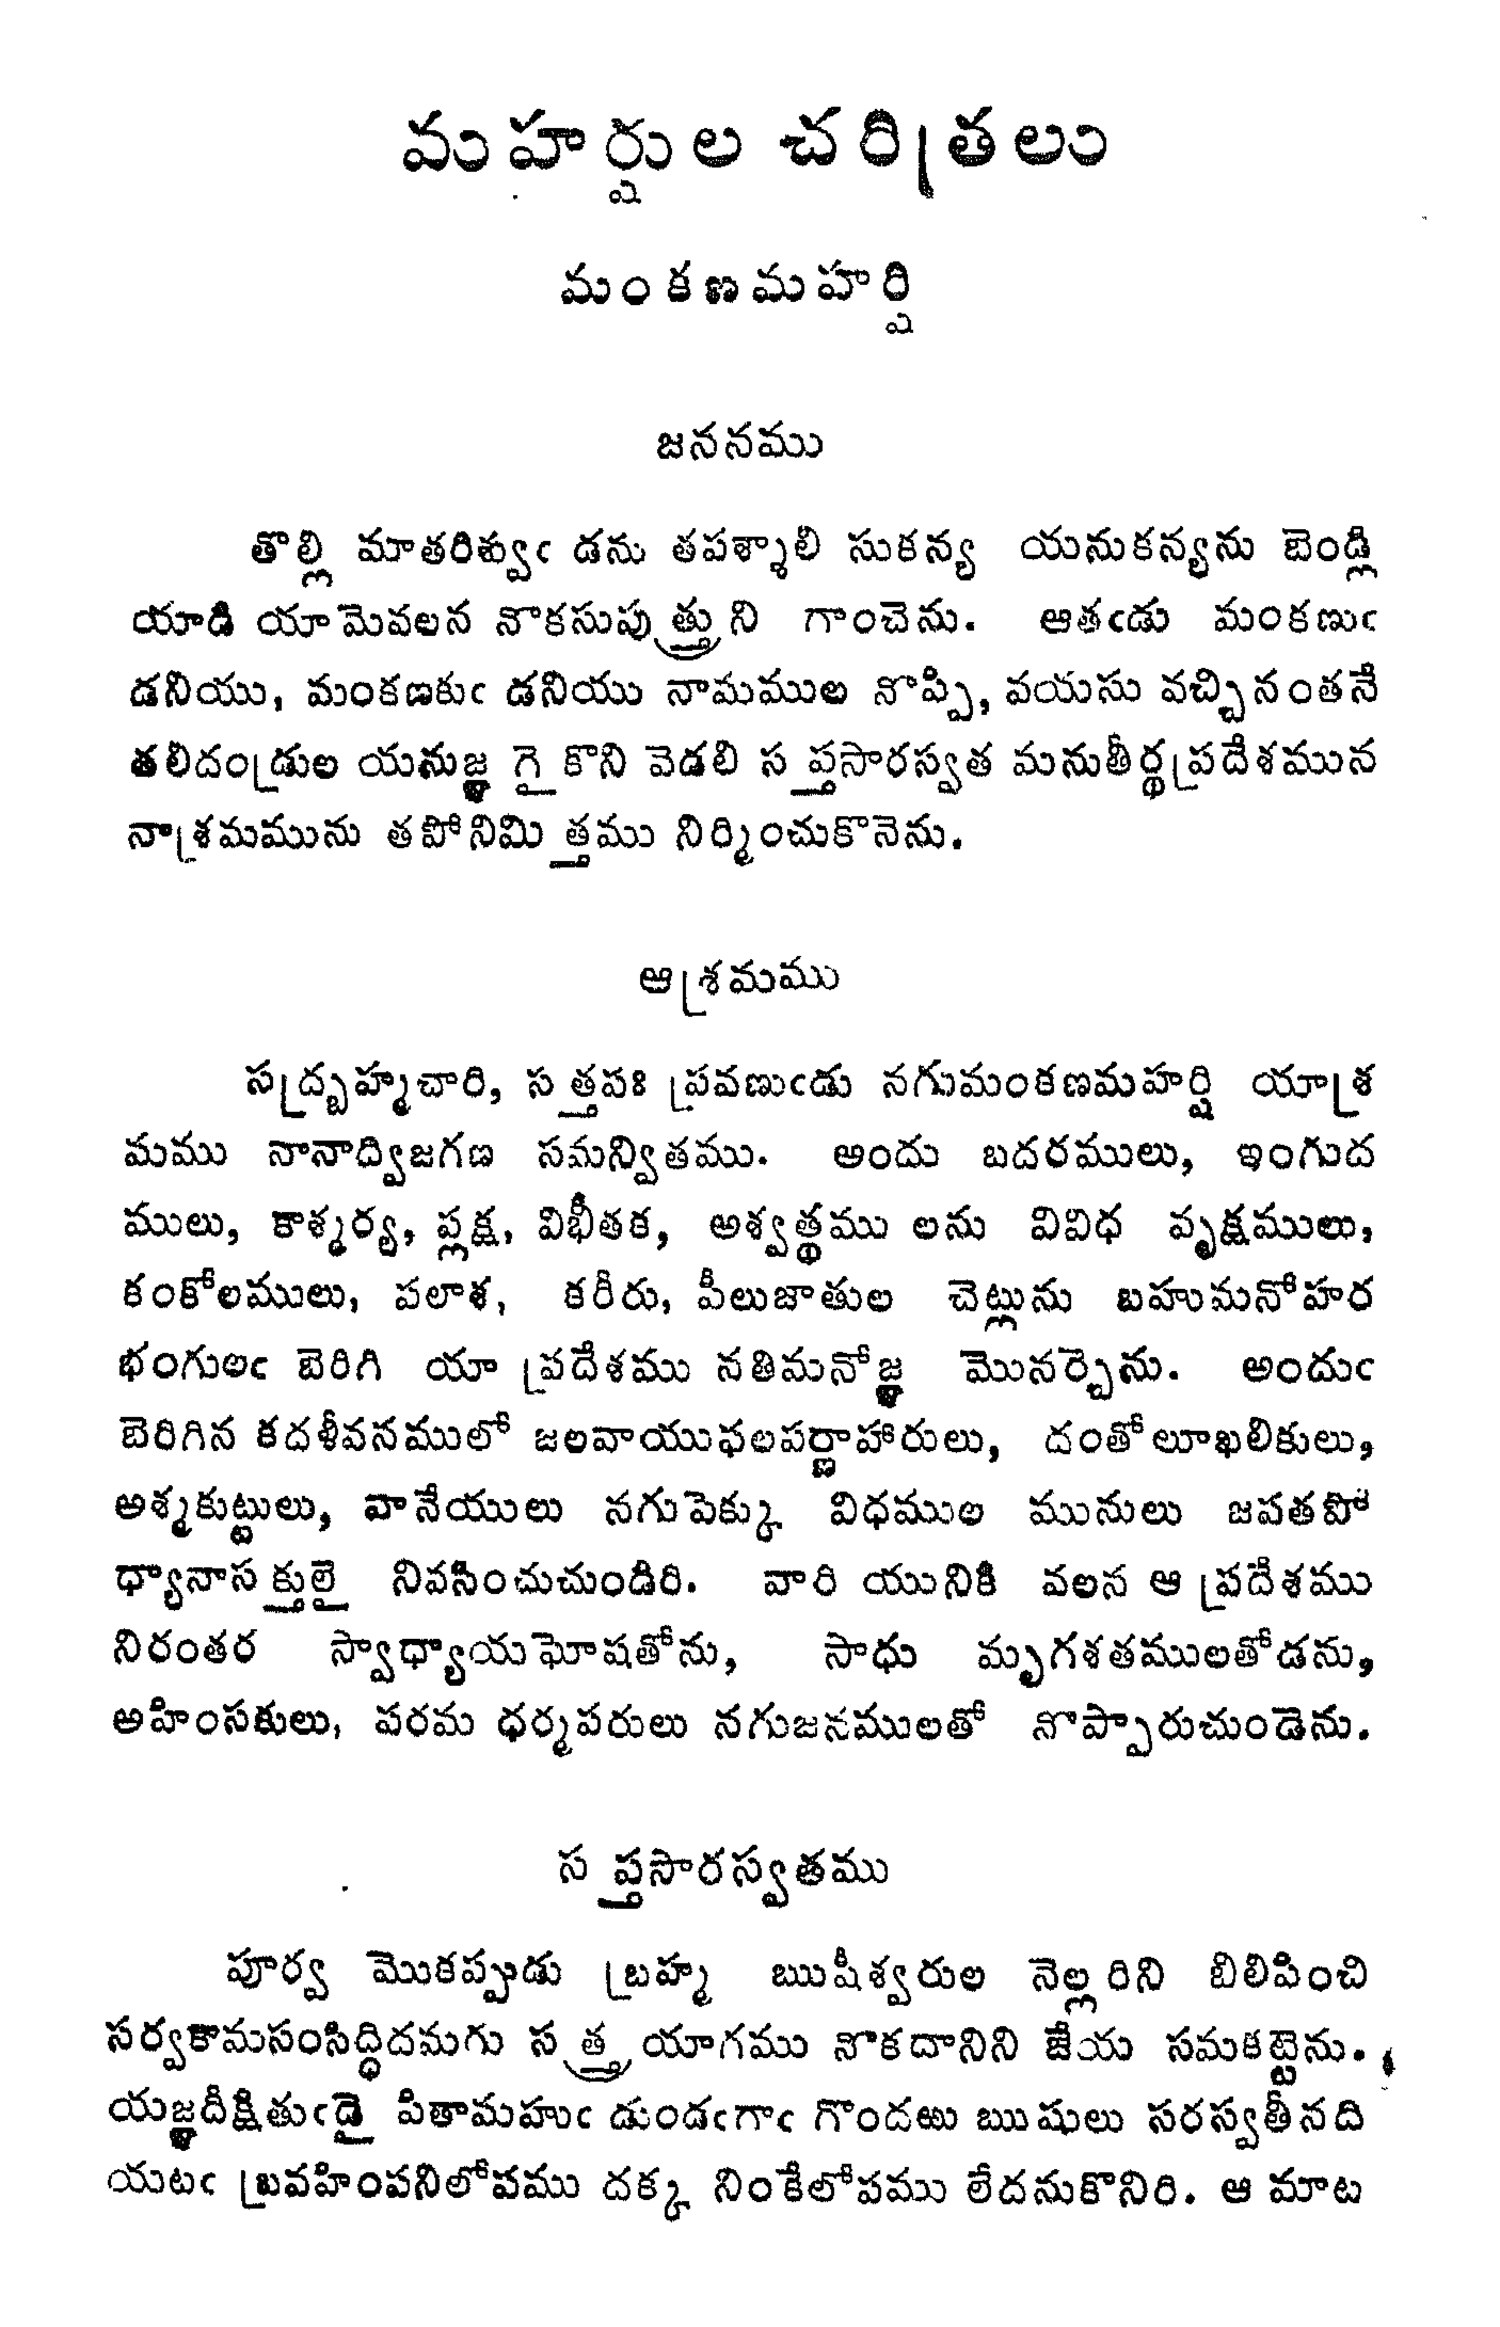మహర్షుల చరిత్రలు

మంకణ మహర్షి

జననము 

తొల్లి మాతరిశ్వుఁ డను తపశ్శాలి సుకన్య యనుకన్యను బెండ్లియాడి యామెవలన నొకసుపుత్తుని గాంచెను. అతఁడు మంకణుఁ డనియు, మంకణకుఁ డనియు నామముల నొప్పి, వయసు వచ్చినంతనే తలిదండ్రుల యనుజ్ఞ గైకొని వెడలి సప్తసారస్వత మనుతీర్థప్రదేశమున నాశ్రమమును తపోనిమిత్తము నిర్మించుకొనెను.

ఆశ్రమము 

సద్ర్బహ్మచారి, సత్తపః ప్రవణుఁడు నగుమంకణమహర్షి యాశ్రమము నానాద్విజగణ సమన్వితము. అందు బదరములు, ఇంగుదములు, శాశ్మర్య, ప్లక్ష, విభీతక, అశ్వత్థము లను వివిధ వృక్షములు, కంకోలములు, పలాశ, కరీరు, పీలుజాతుల చెట్లును బహుమనోహర భంగులఁ బెరిగి యా ప్రదేశము నతిమనోజ్ఞ మొనర్చెను. అందుఁ బెరిగిన కదళీవనములో జలవాయుఫలపర్ణాహారులు, దంతోలూఖలికులు, అశ్మకుట్టులు, వానేయులు నగుపెక్కు విధముల మునులు జపతపో ధ్యానాసక్తులై నివసించుచుండిరి. వారి యునికి వలన ఆ ప్రదేశము నిరంతర స్వాధ్యాయఘోషతోను, సాధు మృగశతములతోడను, అహింసకులు, పరమ ధర్మపరులు నగుజనములతో నొప్పారుచుండెను.

సప్తసారస్వతము 

పూర్వ మొకప్పుడు బ్రహ్మ ఋషీశ్వరుల నెల్ల రిని బిలిపించి సర్వకామసంసిద్ధిదమగు సత్ర యాగము నొకదానిని జేయ సమకట్టెను. ఆ యజ్ఞదీక్షితుఁడై పితామహుఁ డుండఁగాఁ గొందఱు ఋషులు సరస్వతీనది యటఁ బ్రవహింపనిలోపము దక్క నింకేలోపము లేదనుకొనిరి. ఆ మాట